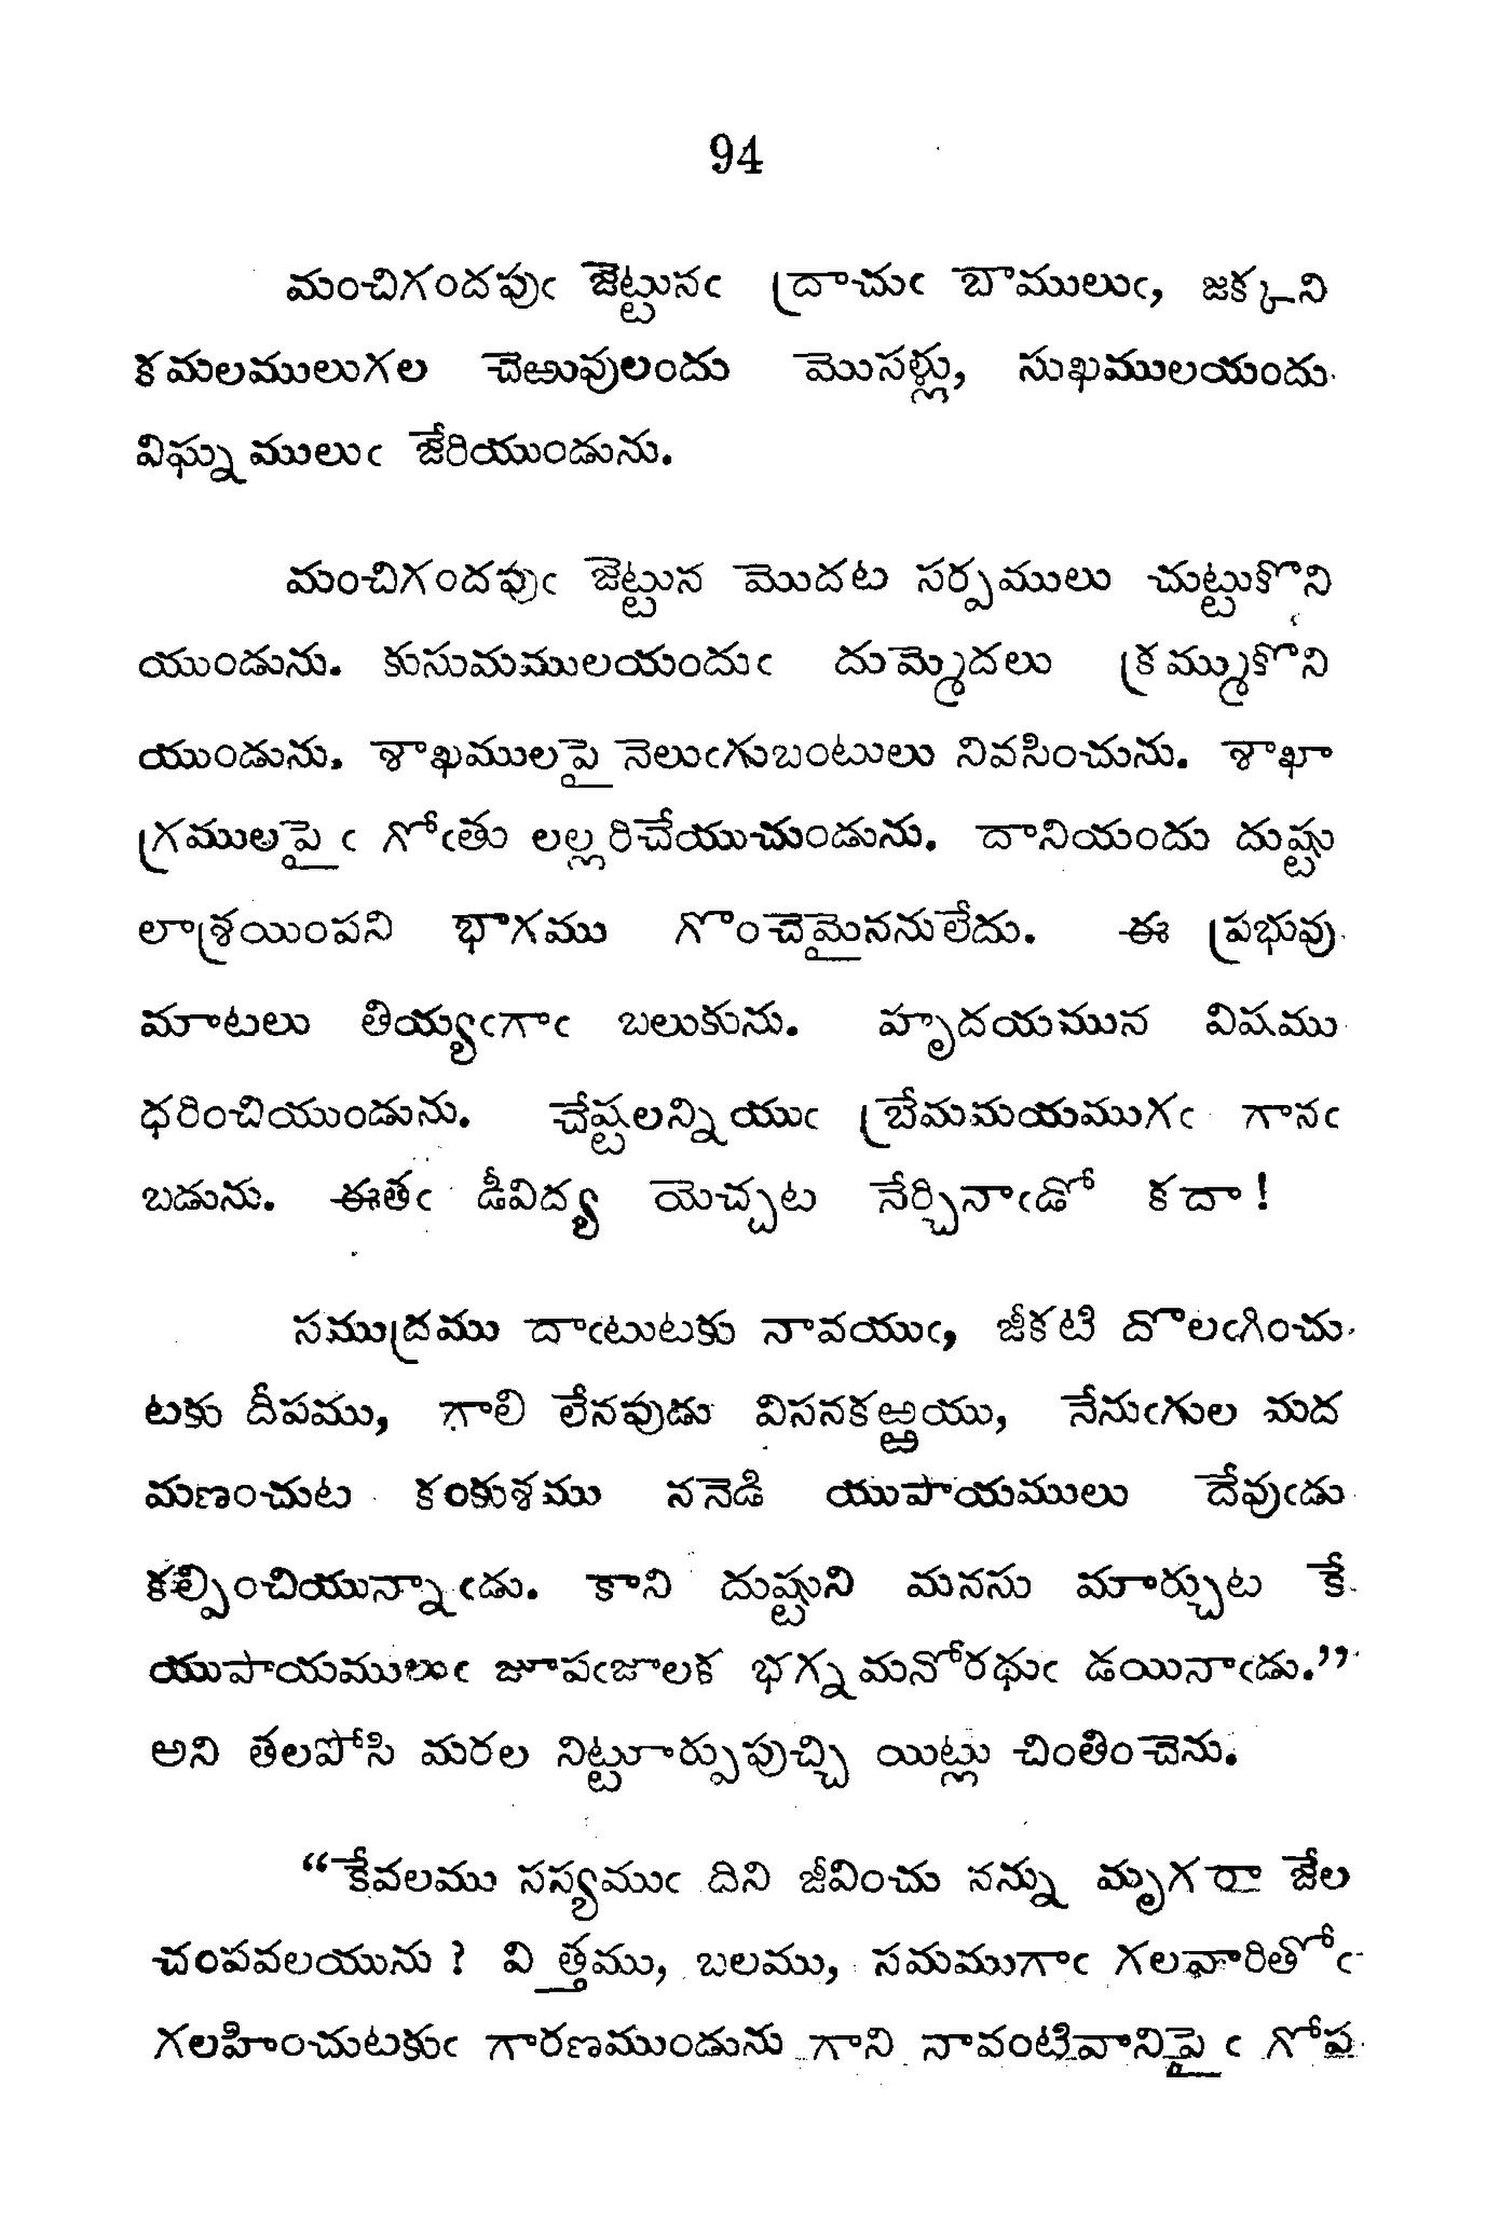మంచిగందపు జెట్టున ద్రాచు బాములు, జక్కని కమలములుగల చెఱువులందు మొసళ్లు, సుఖములయందు విఘ్నములు జేరియుండును.

మంచిగందపు జెట్టున మొదట సర్పములు చుట్టుకొని యుండును. కుసుమములయందు దుమ్మెదలు క్రమ్ముకొని యుండును, శాఖములపై నెలుగుబంటులు నివసించును, శాఖాగ్రములపై గోతు లల్లరిచేయుచుండును. దానియందు దుష్టు లాశ్రయింపని భాగము గొంచెమైననులేదు. ఈ ప్రభువు మాటలు తియ్యగా బలుకును. హృదయమున విషము ధరించియుండును. చేష్టలన్నియు బ్రేమమయముగ గానబడును. ఈత డీవిద్య యెచ్చట నేర్చినాడో కదా!

సముద్రము దాటుటకు నావయు, జీకటి దొలగించుటకు దీపము, గాలి లేనపుడు విసనకఱ్ఱయు, నేనుగుల మద మణంచుట కంకుశము ననెడి యుపాయములు దేవుడు కల్పించియున్నాడు. కాని దుష్టుని మనసు మార్చుట కే యుపాయములు జూపజాలక భగ్నమనోరథు డయినాడు." అని తలపోసి మరల నిట్టూర్పుపుచ్చి యిట్లు చింతించెను.

"కేవలము సస్యము దిని జీవించు నన్ను మృగరా జేల చంపవలయును? విత్తము, బలము, సమముగా గలవారితో గలహించుటకు గారణముండును గాని నావంటివానిపై గోప